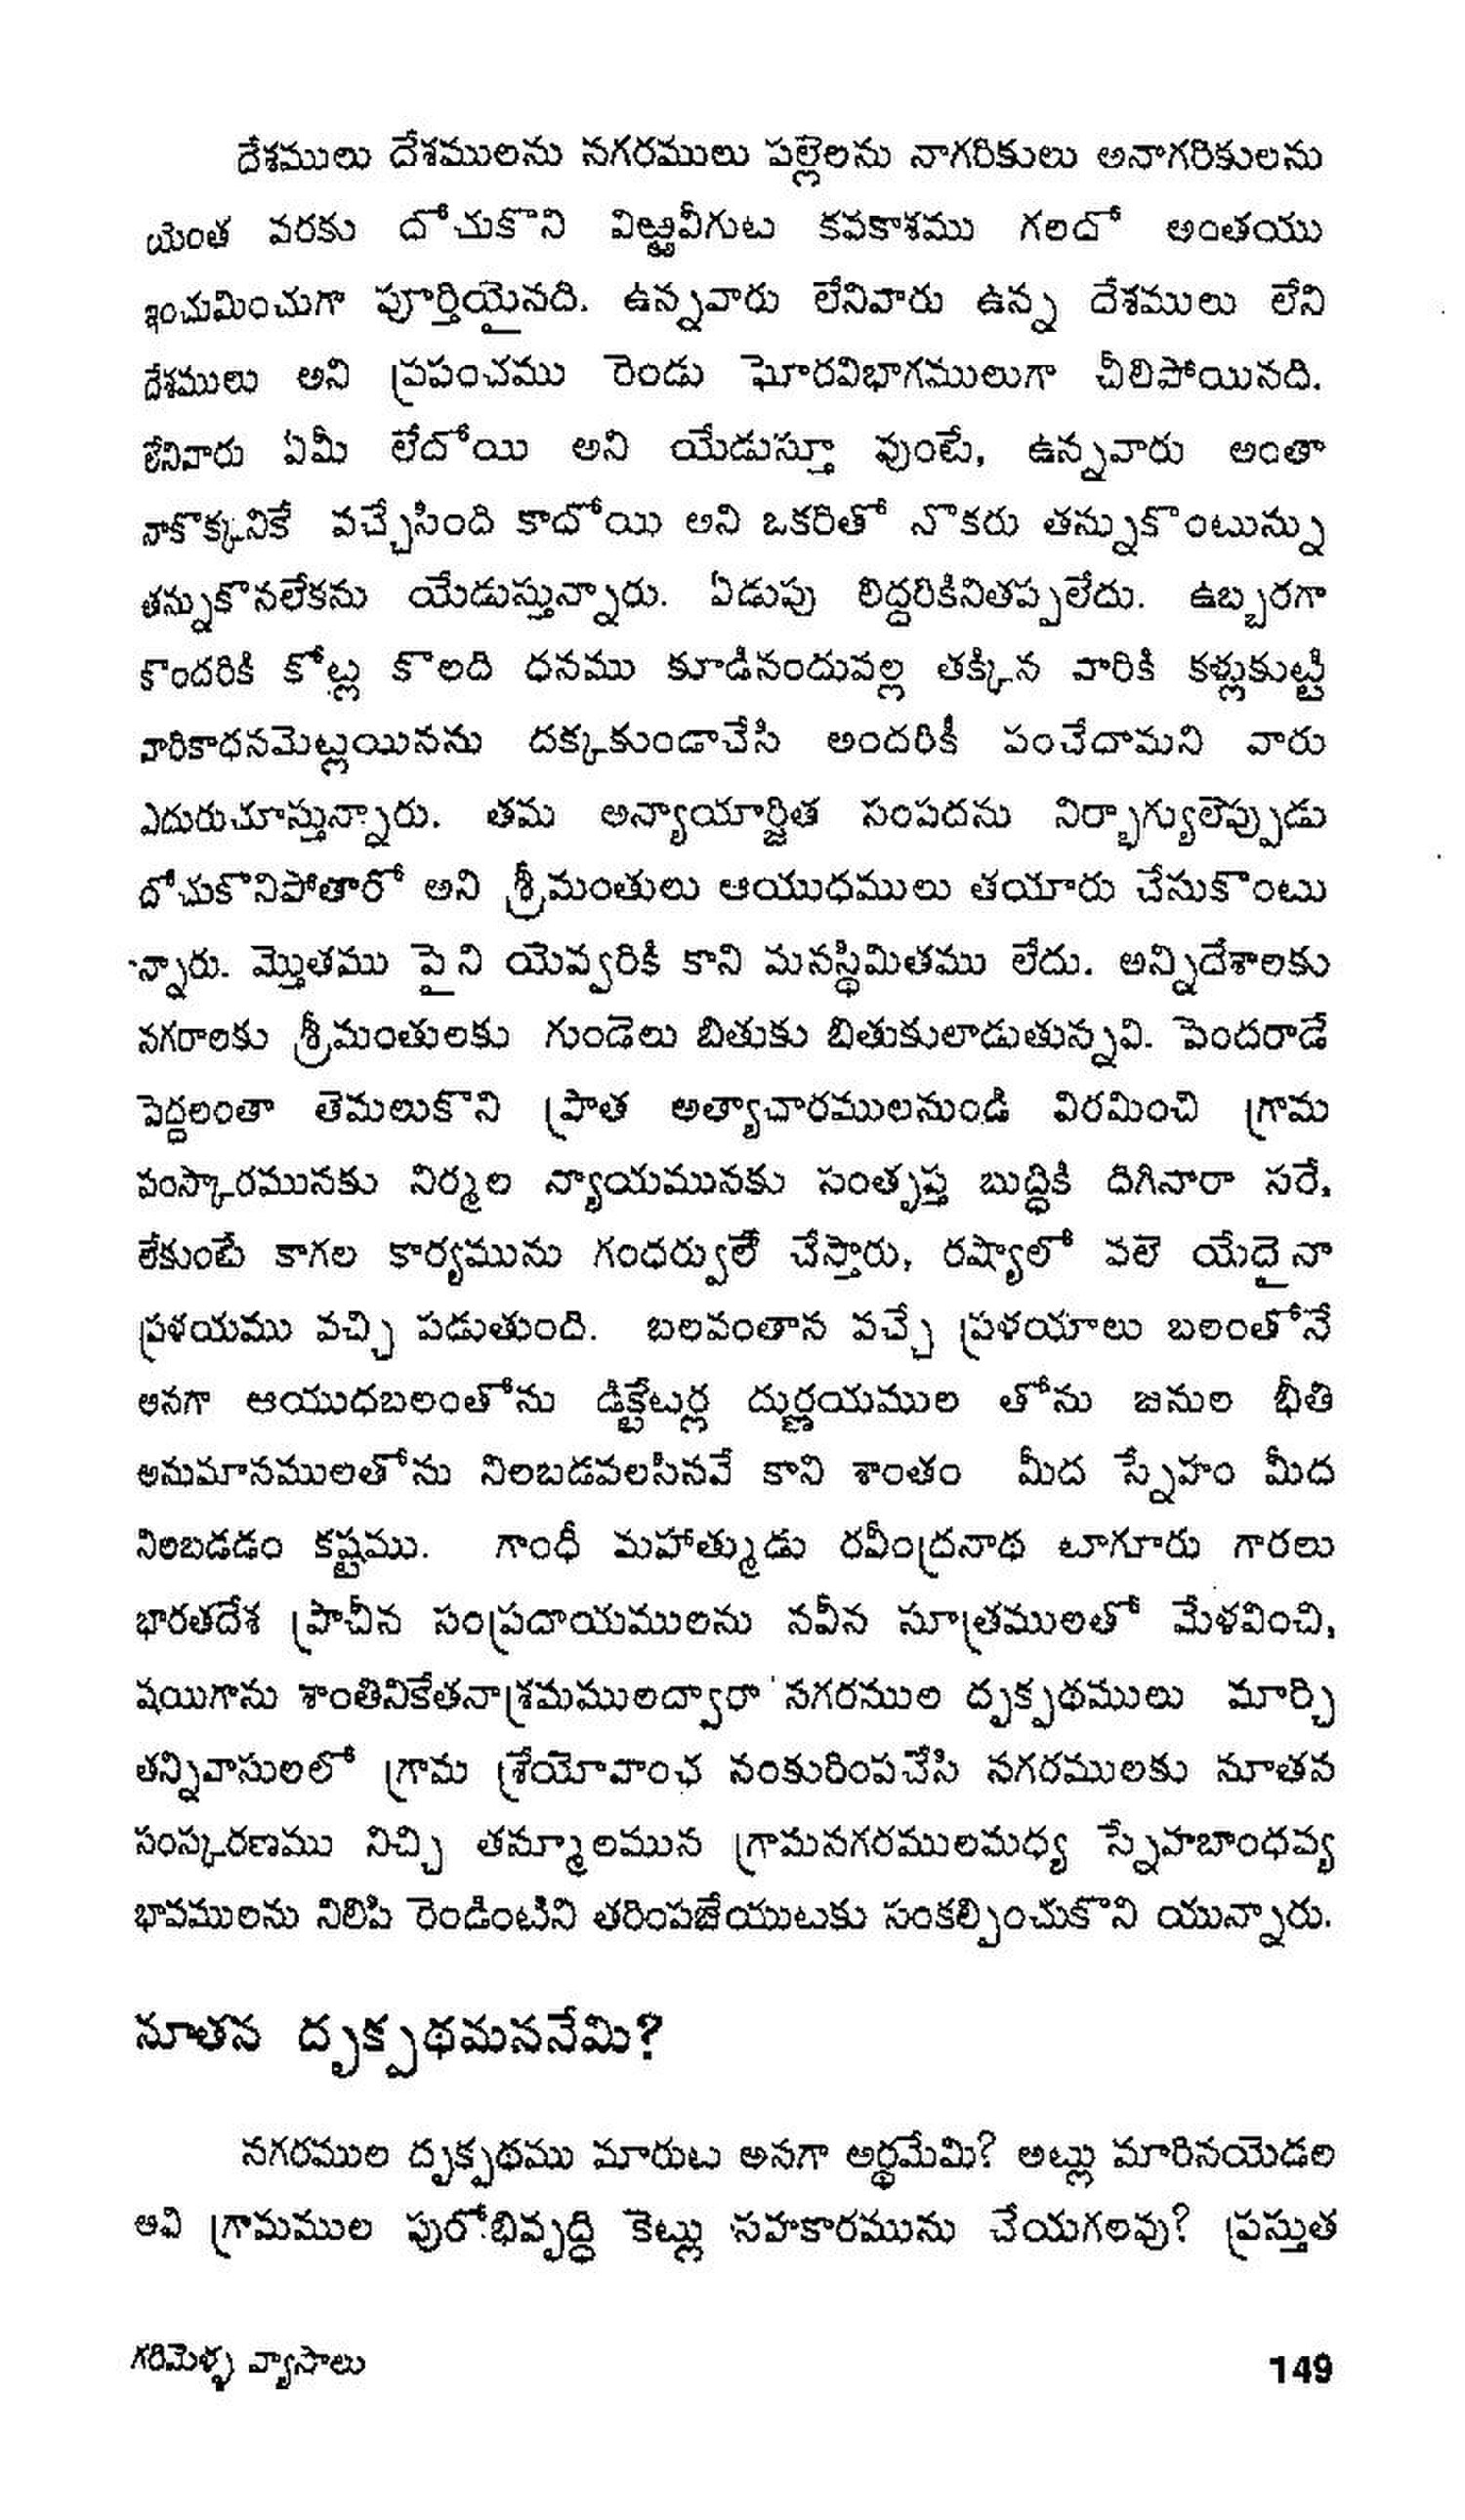దేశములు దేశములను నగరములు పల్లెలను నాగరికులు అనాగరికులను యెంత వరకు దోచుకొని విఱ్ఱవీగుట కవకాశము గలదో అంతయు ఇంచుమించుగా పూర్తియైనది. ఉన్నవారు లేనివారు ఉన్న దేశములు లేని దేశములు అని ప్రపంచము రెండు ఘోరవిభాగములుగ చీలిపోయినది. లేనివారు ఏమీ లేదోయి అని యేడుస్తూ వుంటే. ఉన్నవారు అంతా నాకొక్కనికే వచ్చేసింది కాదోయి అని ఒకరితో నొకరు తన్నుకొంటున్న తన్నుకొనలేకను యేడుస్తున్నారు. ఏడుపు లిద్దరికినితప్పలేదు. ఉబ్బరగా కొందరికి కోట్ల కొలది ధనము కూడినందువల్ల తక్కిన వారికి కళ్లుకుట్టి వారికాధనమెట్లయినను దక్కకుండాచేసి అందరికీ పంచేదామని వారు ఎదురుచూస్తున్నారు. తమ అన్యాయార్జిత సంపదను నిర్భాగ్యులెప్పుడు దోచుకొనిపోతారో అని శ్రీమంతులు ఆయుధములు తయారు చేసుకొంటున్నారు. మొత్తము పైని యెవ్వరికి కాని మనస్థిమితము లేదు. అన్నిదేశాలకు నగరాలకు శ్రీమంతులకు గుండెలు బితుకు బితుకులాడుతున్నవి. పెందరాడే పెద్దలంతా తెమలుకొని ప్రాత అత్యాచారములనుండి విరమించి గ్రామ సంస్కారమునకు నిర్మల న్యాయమునకు సంతృప్త బుద్ధికి దిగినారా సరే, లేకుంటే కాగల కార్యమును గంధర్వులే చేస్తారు. రష్యాలో వలె యేదైనా ప్రళయము వచ్చి పడుతుంది. బలవంతాన వచ్చే ప్రళయాలు బలంతోనే అనగా ఆయుధబలంతోను డిక్టేటర్ల దుర్ణయముల తోను జనుల భీతి అనుమానములతోను నిలబడవలసినవే కాని శాంతం మీద స్నేహం మీద నిలబడడం కష్టము. గాంధీ మహాత్ముడు రవీంద్రనాథ టాగూరు గారలు భారతదేశ ప్రాచీన సంప్రదాయములను నవీన సూత్రములతో మేళవించి షయిగాను శాంతినికేతనాశ్రమములద్వారా నగరముల దృక్పథములు మార్చి తన్నివాసులలో గ్రామ శ్రేయోవాంఛ నంకురింపచేసి నగరములకు నూతన సంస్కరణము నిచ్చి తన్మూలమున గ్రామనగరములమధ్య స్నేహభాంధవ్య భావములను నిలిపి రెండింటిని తరింపజేయుటకు సంకల్పించుకొని యున్నారు.

నూతన దృక్పథమననేమి?
 
నగరముల దృక్పథము మారుట అనగా అర్థమేమి? అట్లు మారినయెడల అవి గ్రామముల పురోభివృద్ది కెట్లు సహకారమును చేయగలవు? ప్రస్తుత